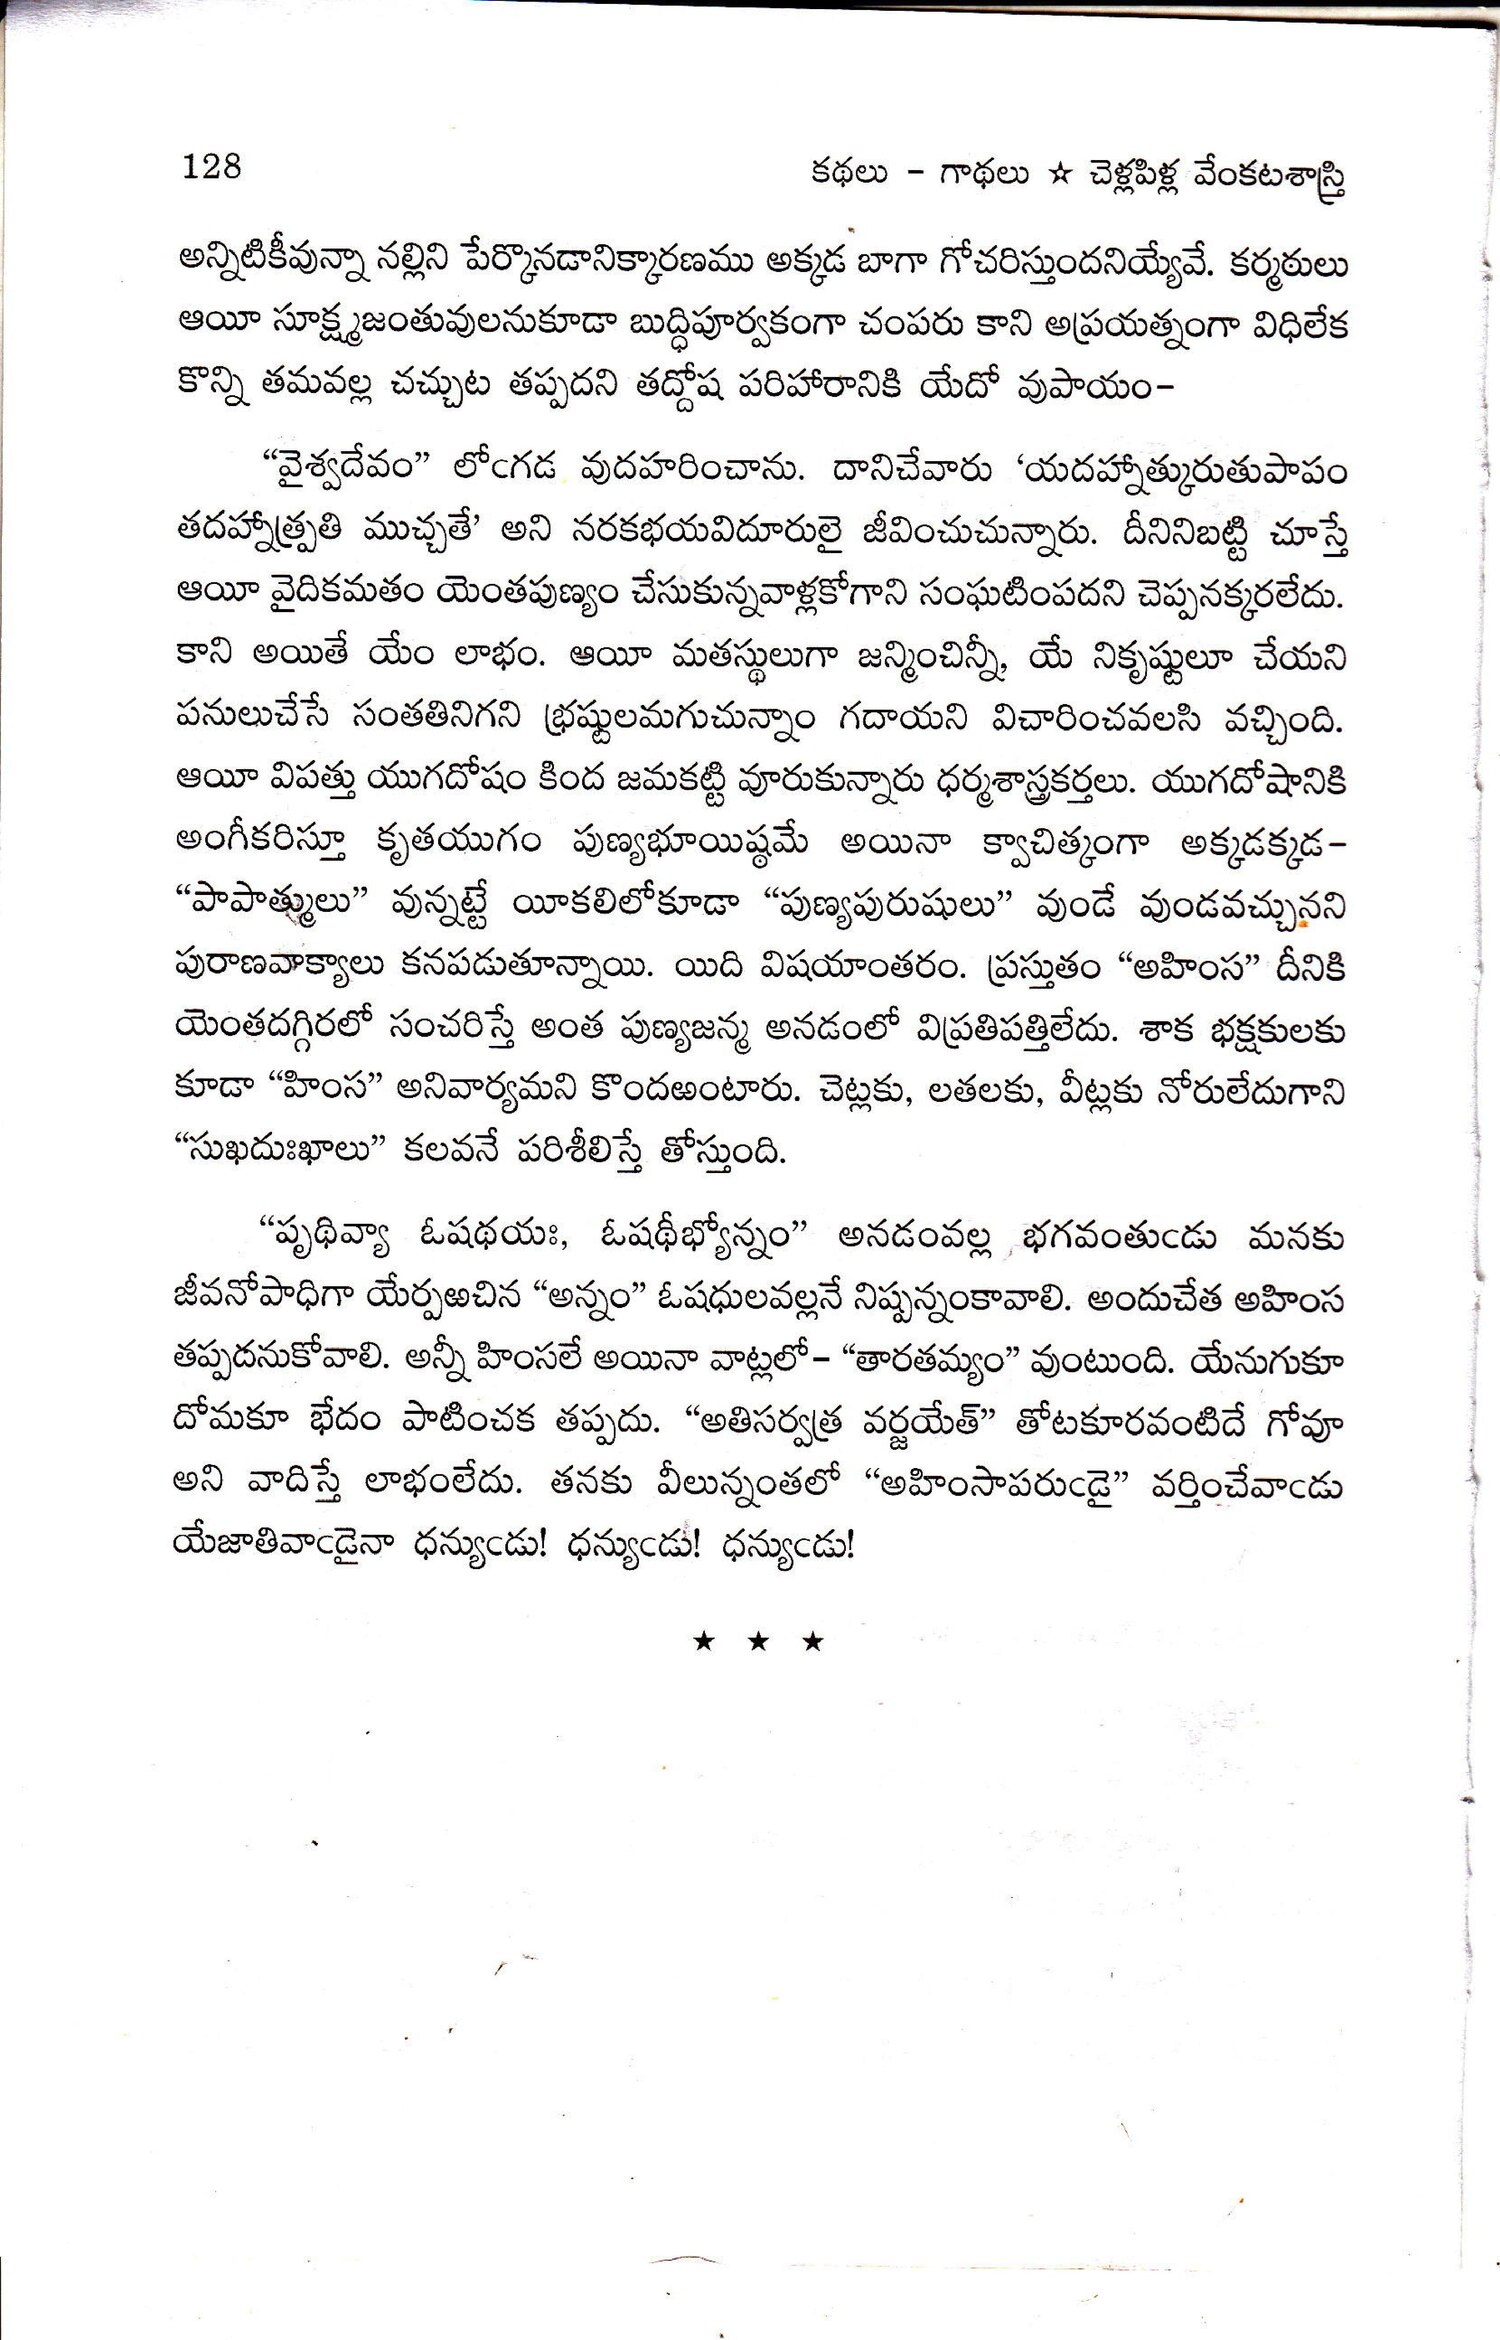అన్నిటికీవున్నా నల్లిని పేర్కొనడానిక్కారణము అక్కడ బాగా గోచరిస్తుందనియ్యేవే. కర్మఠులు ఆయీ సూక్ష్మజంతువులనుకూడా బుద్ధిపూర్వకంగా చంపరు కాని అప్రయత్నంగా విధిలేక కొన్ని తమవల్ల చచ్చుట తప్పదని తద్దోష పరిహారానికి యేదో వుపాయం-

"వైశ్వదేవం” లోఁగడ వుదహరించాను. దానిచేవారు 'యదహ్నాత్కురుతుపాపం తదహ్నాత్ర్పతి ముచ్చతే' అని నరకభయవిదూరులై జీవించుచున్నారు. దీనినిబట్టి చూస్తే ఆయీ వైదికమతం యెంతపుణ్యం చేసుకున్నవాళ్లకోగాని సంఘటింపదని చెప్పనక్కరలేదు. కాని అయితే యేం లాభం. ఆయీ మతస్థులుగా జన్మించిన్నీ యే నికృష్ణులూ చేయని పనులుచేసే సంతతినిగని భ్రష్టులమగుచున్నాం గదాయని విచారించవలసి వచ్చింది. ఆయీ విపత్తు యుగదోషం కింద జమకట్టి వూరుకున్నారు ధర్మశాస్త్రకర్తలు. యుగదోషానికి అంగీకరిస్తూ కృతయుగం పుణ్యభూయిష్టమే అయినా క్వాచిత్కంగా అక్కడక్కడ "పాపాత్ములు” వున్నట్టే యీకలిలోకూడా “పుణ్యపురుషులు" వుండే వుండవచ్చునని పురాణవాక్యాలు కనపడుతూన్నాయి. యిది విషయాంతరం. ప్రస్తుతం "అహింస" దీనికి యెంతదగ్గిరలో సంచరిస్తే అంత పుణ్యజన్మ అనడంలో విప్రతిపత్తిలేదు. శాక భక్షకులకు కూడా "హింస" అనివార్యమని కొందఱంటారు. చెట్లకు, లతలకు, వీట్లకు నోరులేదుగాని "సుఖదుఃఖాలు" కలవనే పరిశీలిస్తే తోస్తుంది.

“పృథివ్యా ఓషధయః, ఓషధీభ్యోన్నం" అనడంవల్ల , భగవంతుcడు మనకు జీవనోపాధిగా యేర్పఱచిన "అన్నం" ఓషధులవల్లనే నిష్పన్నంకావాలి. అందుచేత అహింస తప్పదనుకోవాలి. అన్నీ హింసలే అయినా వాట్లలో- "తారతమ్యం" వుంటుంది. యేనుగుకూ దోమకూ భేదం పాటించక తప్పదు. “అతిసర్వత్ర వర్జయేత్" తోటకూరవంటిదే గోవూ అని వాదిస్తే లాభంలేదు. తనకు వీలున్నంతలో “అహింసాపరుఁడై" వర్తించేవాండు యేజాతివాఁడైనా ధన్యుఁడు! ధన్యుఁడు! ధన్యుఁడు!